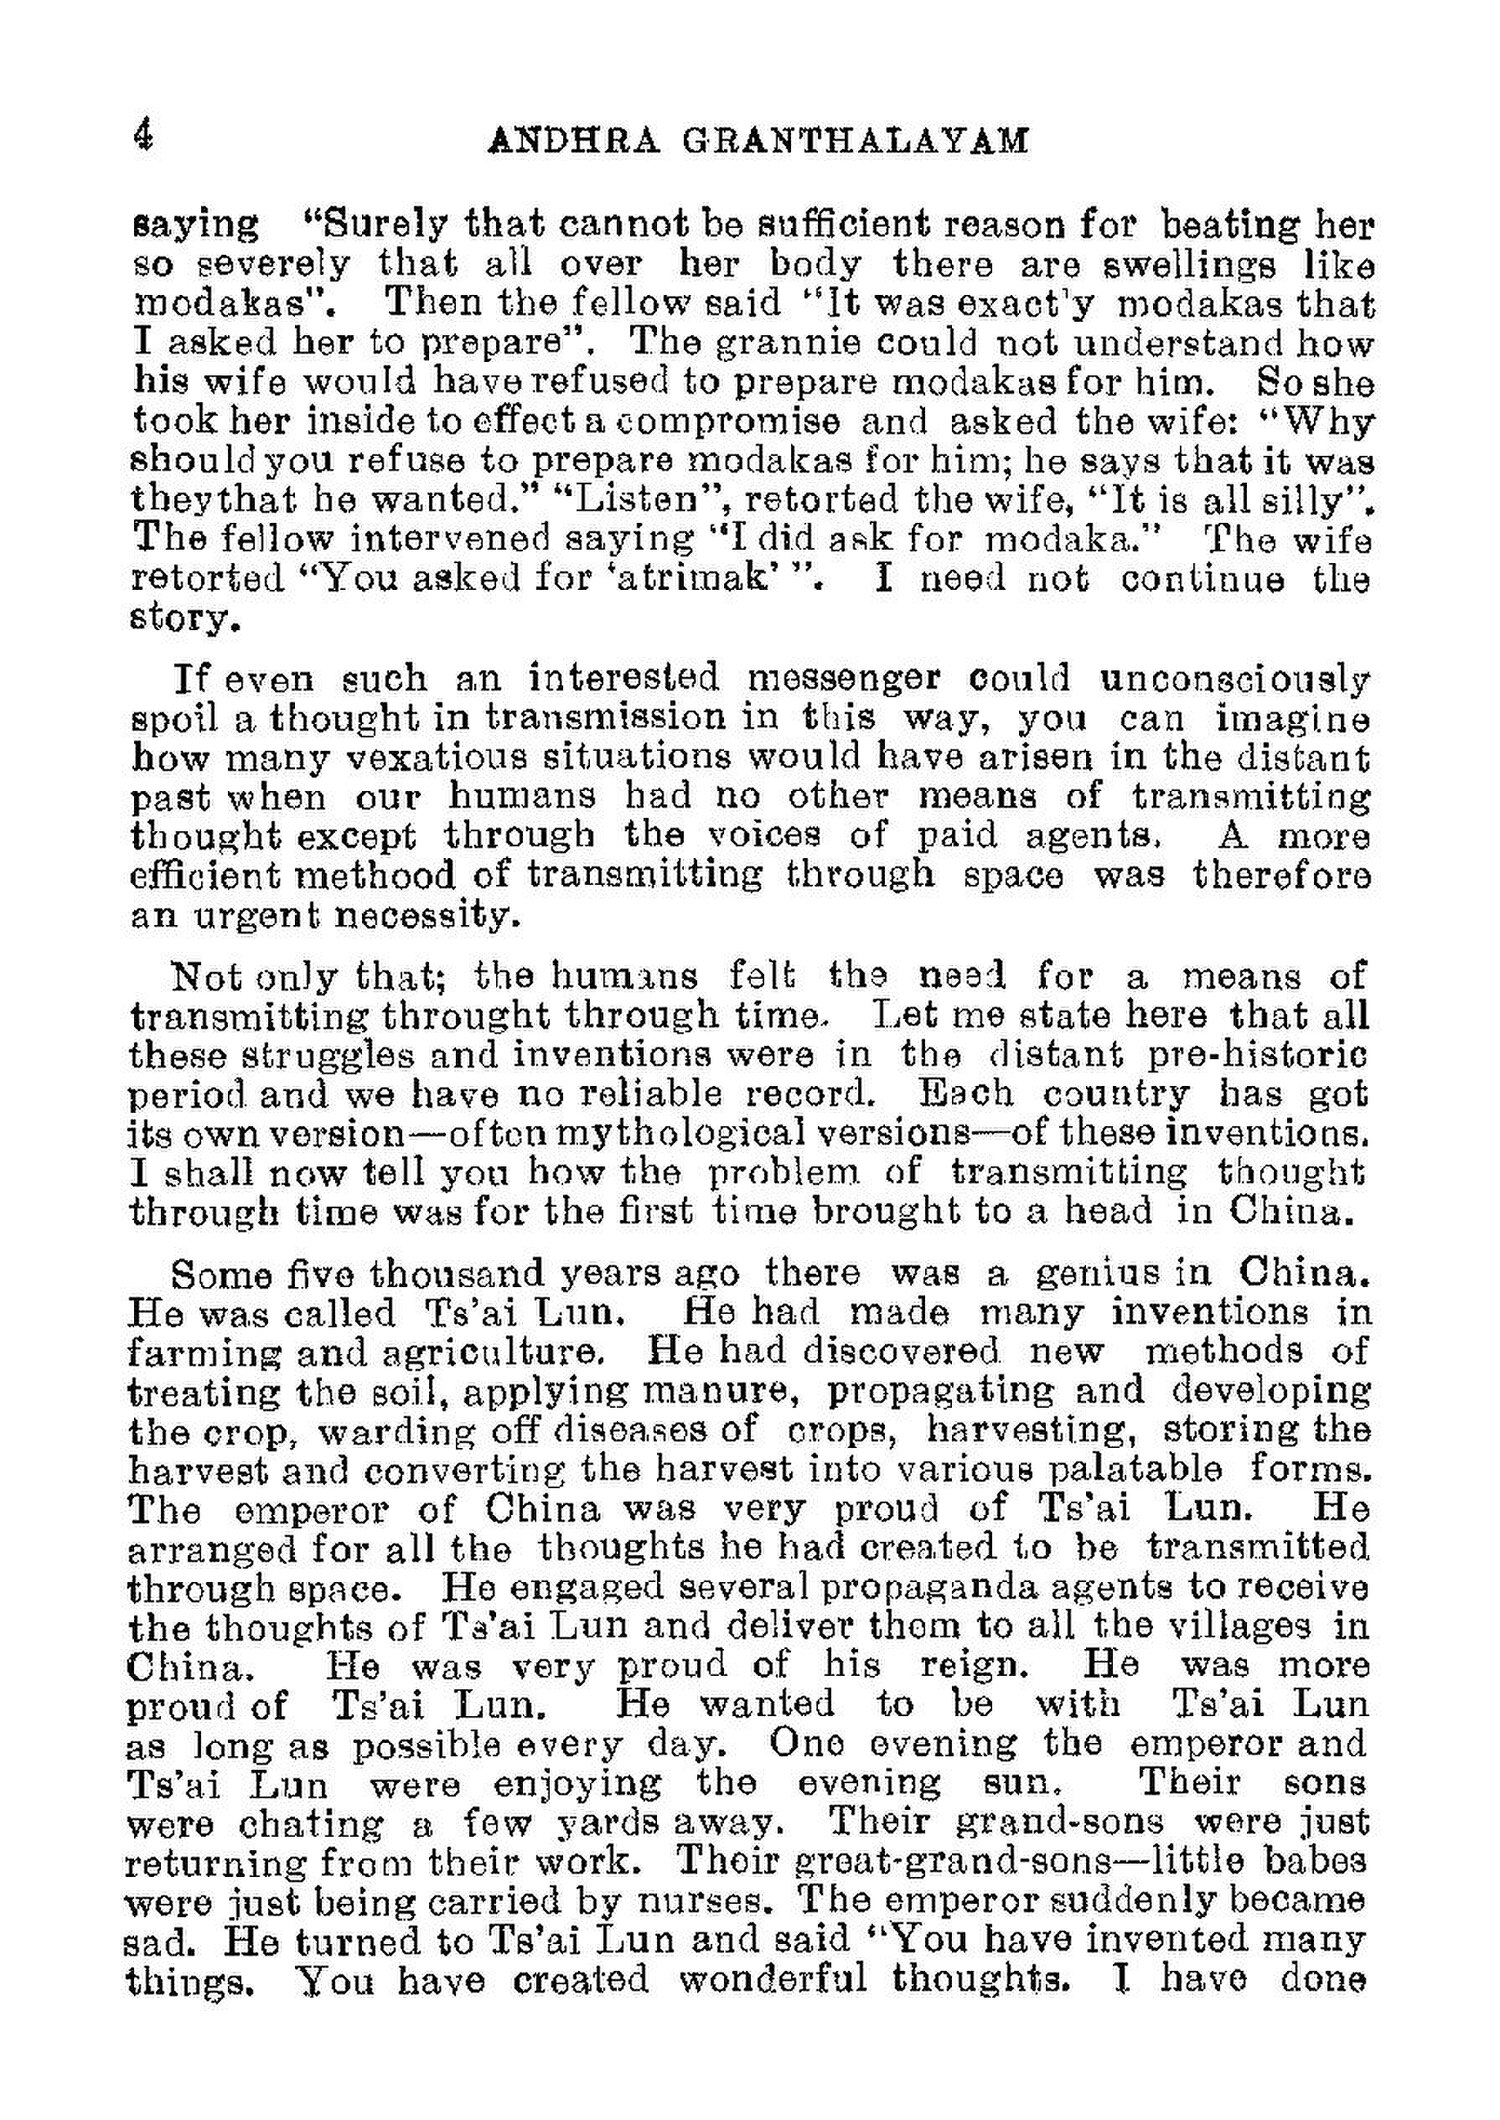saying "Surely that cannot be sufficient reason for beating her so severely that all over her body there are swellings like modakas". Then the fellow said "It was exactly modakas that I asked her to prepare". The 
grannie could not understand how his wife would have refused to prepare modakas for him. So she took her 
inside to effect a compromise and asked the wife: "Why should you refuse to prepare modakas for him; he 
says that it was they that he wanted." "Listen", retorted the wife, "It is all silly". The fellow intervened 
saying "I did ask for modaka." The wife retorted "You asked for 'atrimak' ". I need not continue the story.

If even such an interested messenger could unconsciously spoil a thought in transmission in this way, you 
can imagine how many vexatious situations would have arisen in the distant past when our humans had no
other means of transmitting thought except through the voices of paid agents. A more efficient method of transmitting through space was therefore an urgent necessity. 

Not only that; the humans felt the need for a means of transmitting thought through time. Let me state 
here that all these struggles and inventions were in the distant pre-historic period and we have no 
reliable record. Each country has got its own version-often mythological versions-of these inventions. 
I shall now tell you how the problem of transmitting thought through time was for the first time brought 
to a head in China. 

Some five thousand years ago there was a genius in China. He was called Ts'ai Lun. He had made many 
inventions in farming and agriculture. He had discovered new methods of treating the soil, applying 
manure, propagating and developing the crop, warding off diseases of crops, harvesting, storing the
harvest and converting the harvest into various palatable forms. The emperor of China was very proud 
of Ts'ai Lun. He arranged for all the thoughts he had created to be transmitted through space. He 
engaged several propaganda agents to receive the thoughts of Ta'ai Lun and deliver them to all the 
villages in China. He was very proud of his reign. He was more proud of Ts'ai Lun. He wanted to be 
with Ts'ai Lun as long as possible every day. One evening the emperor and Ts'ai Lun were enjoying 
the evening sun. Their sons were chatting a few yards away. Their grand-sons were just returning 
from their work. Their great-grand-sons-little babes were just being carried by nurses. The emperor 
suddenly became sad. He turned to Ts'ai Lun and said "You have invented many things. You have
created wonderful thoughts. I have done